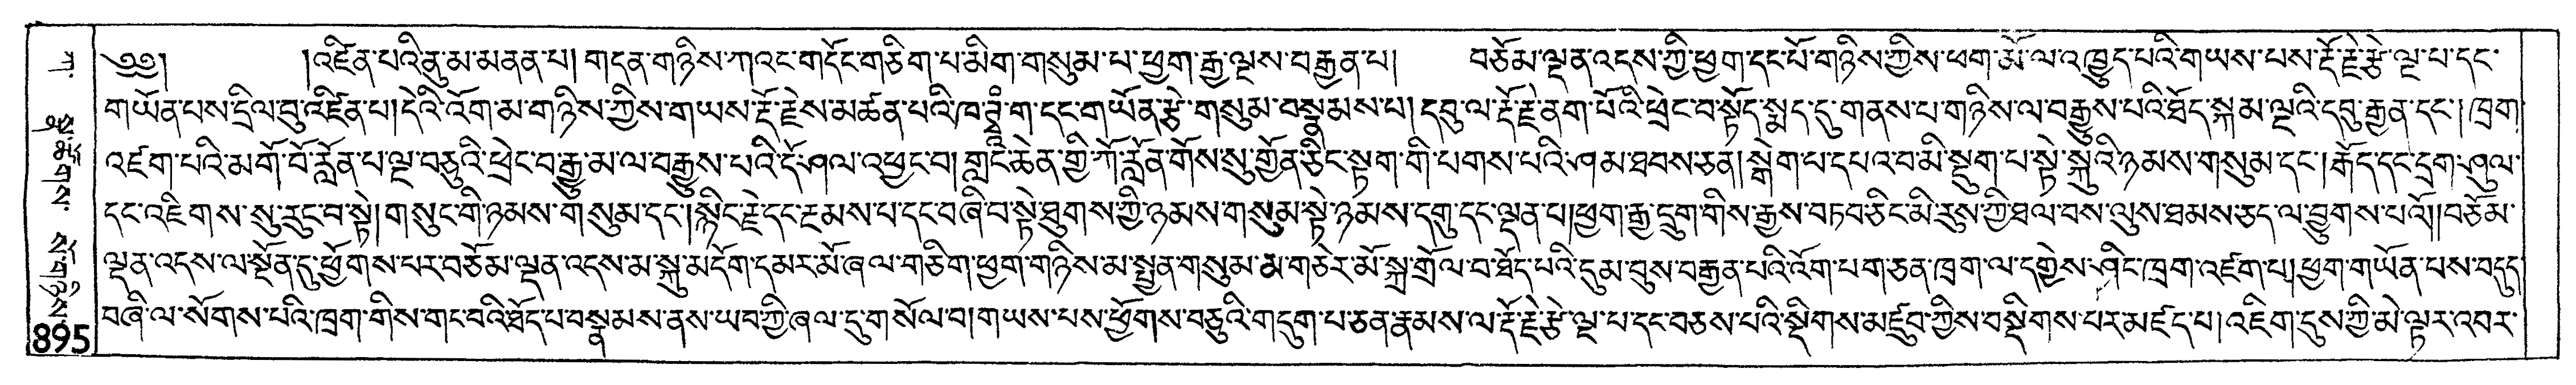༄༅། །འཛིན་པའི་ནུ་མ་མནན་པ། གདན་གཉིས་ཀའང་གདོང་གཅིག་པ་མིག་གསུམ་པ་ཕྱག་རྒྱ་ལྔས་བརྒྱན་པ། བཅོམ་ལྡན་འདས་ཀྱི་ཕྱག་དང་པོ་གཉིས་ཀྱིས་ཕག་མོ་ལ་འཁྱུད་པའི་གཡས་པས་རྡོ་རྗེ་རྩེ་ལྔ་པ་དང་
གཡོན་པས་དྲིལ་བུ་འཛིན་པ། དེའི་འོག་མ་གཉིས་ཀྱིས་གཡས་རྡོ་རྗེས་མཚན་པའི་ཁ་ཊྭཱཾ་ག་དང་གཡོན་རྩེ་གསུམ་བསྣམས་པ། དབུ་ལ་རྡོ་རྗེ་ནག་པོའི་ཕྲེང་བ་སྟོད་སྨད་དུ་གནས་པ་གཉིས་ལ་བརྒྱུས་པའི་ཐོད་སྐམ་ལྔའི་དབུ་རྒྱན་དང་། ཁྲག་
འཛག་པའི་མགོ་བོ་རློན་པ་ལྔ་བཅུའི་ཕྲེང་བ་རྒྱུ་མ་ལ་བརྒྱུས་པའི་དོ་ཤལ་འཕྱང་བ། གླང་ཆེན་གྱི་ཀོ་རློན་གོས་སུ་གྱོན་ཅིང་སྟག་གི་པགས་པའི་ཤམ་ཐབས་ཅན། སྒེག་པ་དཔའ་བ་མི་སྡུག་པ་སྟེ་སྐུའི་ཉམས་གསུམ་དང་། རྒོད་དང་དྲག་ཤུལ་
དང་འཇིགས་སུ་རུང་བ་སྟེ། གསུང་གི་ཉམས་གསུམ་དང་། སྙིང་རྗེ་དང་རྔམས་པ་དང་བཞི་པ་སྟེ་ཐུགས་ཀྱི་ཉམས་གསུམ་སྟེ་ཉམས་དགུ་དང་ལྡན་པ། ཕྱག་རྒྱ་དྲུག་གིས་རྒྱས་བཏབ་ཅིང་མི་རུས་ཀྱི་ཐལ་བས་ལུས་ཐམས་ཅད་ལ་བྱུགས་པའོ། །བཅོམ་
ལྡན་འདས་ལ་སྔོན་དུ་ཕྱོགས་པར་བཅོམ་ལྡན་འདས་མ་སྐུ་མདོག་དམར་མོ་ཞལ་གཅིག་ཕྱག་གཉིས་མ་སྤྱན་གསུམ་མ་གཅེར་མོ་སྐྲ་གྲོལ་བ་ཐོད་པའི་དུམ་བུས་བརྒྱན་པའི་འོག་པག་ཅན་ཁྲག་ལ་དགྱེས་ཤིང་ཁྲག་འཛག་པ། ཕྱག་གཡོན་པས་བདུད་
བཞི་ལ་སོགས་པའི་ཁྲག་གིས་གང་བའི་ཐོད་པ་བསྣམས་ནས་ཡབ་ཀྱི་ཞལ་དུ་གསོལ་བ། གཡས་པས་ཕྱོགས་བཅུའི་གདུག་པ་ཅན་རྣམས་ལ་རྡོ་རྗེ་རྩེ་ལྔ་པ་དང་བཅས་པའི་སྡིགས་མཛུབ་ཀྱིས་བསྡིགས་པར་མཛད་པ། འཇིག་དུས་ཀྱི་མེ་ལྟར་འབར་